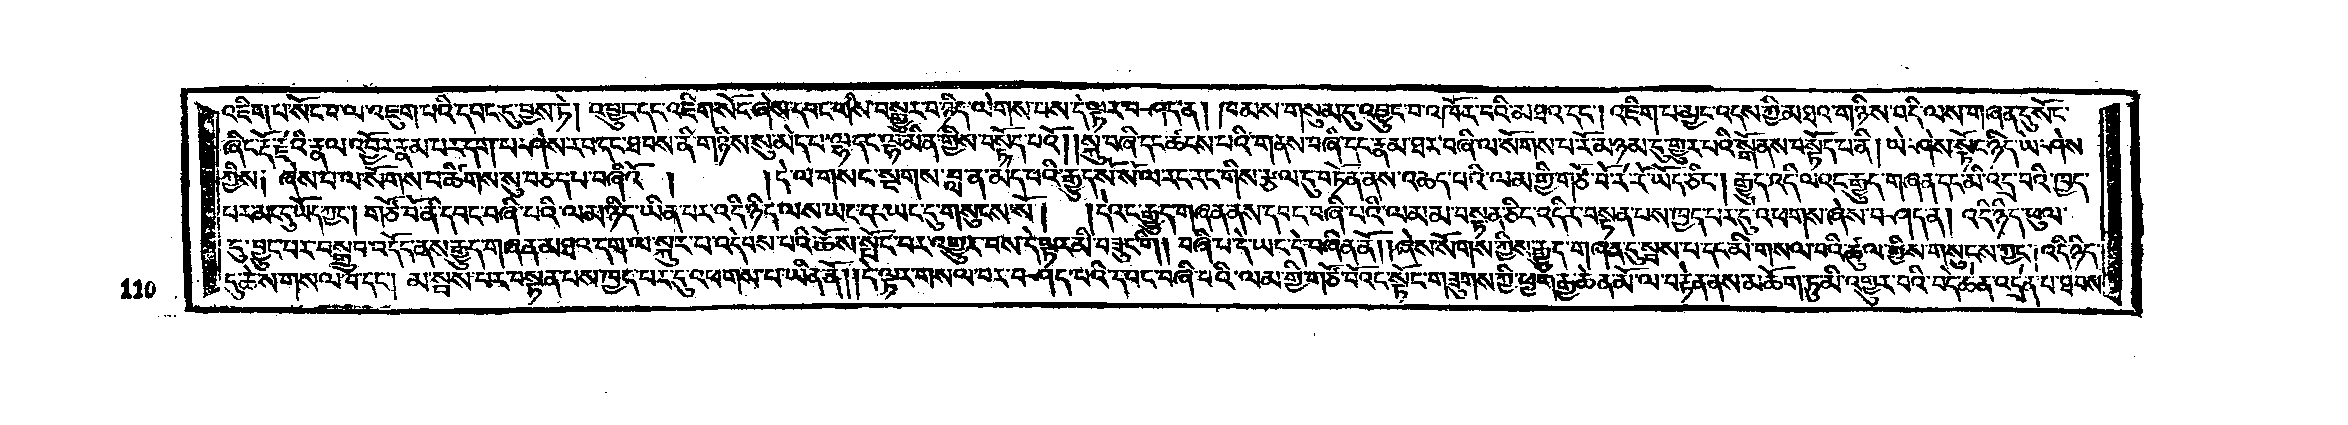འཇིག་པ་སོང་བ་ལ་འཇུག་པའི་དབང་དུ་བྱས་ཏེ། འབྱུང་དང་འཇིག་སོང་ཞེས་དབང་གིས་བསྒྱུར་བ་ཉིད་ལེགས་པས་དེ་ལྟར་བཤད་ན། ཁམས་གསུམ་དུ་འབྱུང་བ་འཁོར་བའི་མཐའ་དང་། འཇིག་པ་མྱང་འདས་ཀྱི་མཐའ་གཉིས་འདི་ལས་གཞན་དུ་སོང་
ཞིང་རྡོ་རྗེའི་རྣལ་འབྱོར་རྣམ་པར་དག་པ་ཤེས་རབ་དང་ཐབས་ནི་གཉིས་སུ་མེད་པ་ལྷ་དང་ལྷ་མིན་གྱིས་བསྟོད་པའོ། །སྐུ་བཞི་དང་ཚངས་པའི་གནས་བཞི་དང་རྣམ་ཐར་བཞི་ལ་སོགས་པ་རོ་མཉམ་དུ་གྱུར་པའི་སྒོ་ནས་བསྟོད་པ་ནི། ཡེ་ཤེས་སྟོང་ཉིད་ཡེ་ཤེས་
ཀྱིས། ཞེས་པ་ལ་སོགས་པ་ཚིགས་སུ་བཅད་པ་བཞིའོ། །དེ་ལ་གསང་སྔགས་བླ་ན་མེད་པའི་རྒྱུད་སོ་སོ་ལ་རང་རང་གིས་རྩལ་དུ་བཏོན་ནས་འཆད་པའི་ལམ་གྱི་གཙོ་བོ་རེ་རེ་ཡོད་ཅིང་། རྒྱུད་འདི་ལའང་རྒྱུད་གཞན་དང་མི་འདྲ་བའི་ཁྱད་
པར་མང་དུ་ཡོད་ཀྱང་། གཙོ་བོ་ནི་དབང་བཞི་པའི་ལམ་ཉིད་ཡིན་པར་འདི་ཉིད་ལས་ཡང་དང་ཡང་དུ་གསུངས་སོ། །དེའང་རྒྱུད་གཞན་ནས་དབང་བཞི་པའི་ལམ་མ་བསྟན་ཅིང་འདིར་བསྟན་པས་ཁྱད་པར་དུ་འཕགས་ཞེས་བཤད་ན། འདི་ཉིད་ཕུལ་
དུ་བྱུང་བར་བསྒྲུབ་འདོད་ནས་རྒྱུད་གཞན་མཐའ་དག་ལ་སྐུར་པ་འདེབས་པའི་ཆོས་སྤོང་བར་འགྱུར་བས་དེ་ལྟར་མི་བཟུང་གི །བཞི་པ་དེ་ཡང་དེ་བཞིན་ནོ། །ཞེས་སོགས་ཀྱིས་རྒྱུད་གཞན་དུ་སྦས་པ་དང་མི་གསལ་བའི་ཚུལ་གྱིས་གསུངས་ཀྱང་། འདི་ཉིད་
དུ་ཆེས་གསལ་བ་དང་། མ་སྦས་པར་བསྟན་པས་ཁྱད་པར་དུ་འཕགས་པ་ཡིན་ནོ། །དེ་ལྟར་གསལ་བར་བཤད་པའི་དབང་བཞི་པའི་ལམ་གྱི་གཙོ་བོའང་སྟོང་གཟུགས་ཀྱི་ཕྱག་རྒྱ་ཆེན་མོ་ལ་བརྟེན་ནས་མཆོག་ཏུ་མི་འགྱུར་བའི་བདེ་ཆེན་འདྲེན་པ་ཐབས་